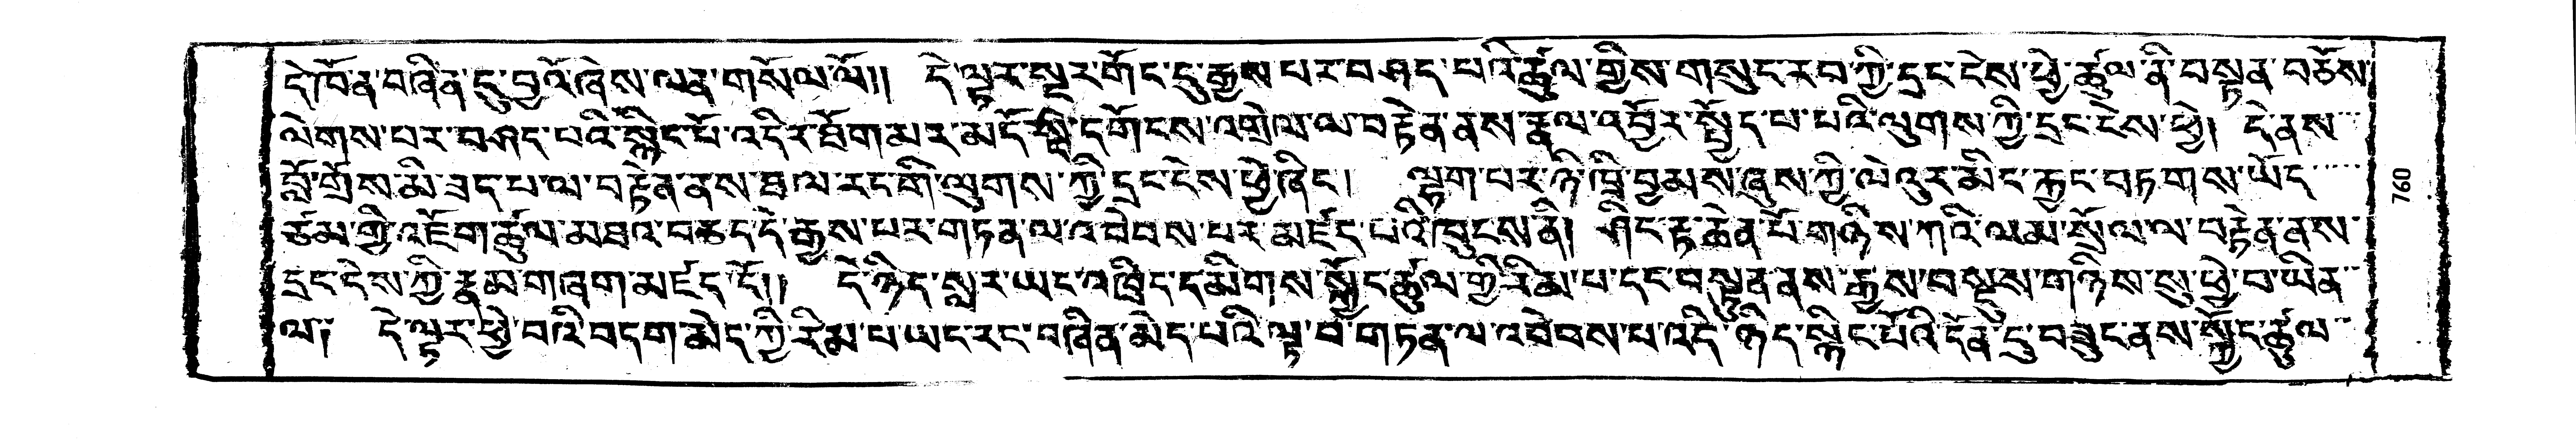དེ་ཁོ་ན་བཞིན་དུ་བྱའོ་ཞེས་ལན་གསོལ་ལོ།། དེ་ལྟར་སྔར་གོང་དུ་རྒྱས་པར་བཤད་པའི་ཚུལ་གྱིས་གསུང་རབ་ཀྱི་དྲང་ངེས་ཕྱེ་ཚུལ་ནི་བསྟན་བཅོས་
ལེགས་པར་བཤད་པའི་སྙིང་པོ་འདིར་ཐོག་མར་མདོ་སྡེ་དགོངས་འགྲེལ་ལ་བརྟེན་ནས་རྣལ་འབྱོར་སྤྱོད་པ་པའི་ལུགས་ཀྱི་དྲང་ངེས་ཕྱེ། དེ་ནས་
བློ་གྲོས་མི་ཟད་པ་ལ་བརྟེན་ནས་ཐལ་རང་གི་ལུགས་ཀྱི་དྲང་ངེས་ཕྱེ་ཞིང་། ལྷག་པར་ཉི་ཁྲི་བྱས་ཞུས་ཀྱི་ལེའུར་མིང་རྐྱང་བཏགས་ཡོད་
ཙམ་གྱི་འཇོག་ཚུལ་མཐའ་བཅད་དེ་རྒྱས་པར་གཏན་ལ་འབེབས་པར་མཛད་པའི་ཁུངས་ནི། ཤིང་རྟ་ཆེན་པོ་གཉིས་ཀའི་ལམ་སྲོལ་ལ་བརྟེན་ནས་
དྲང་ངེས་ཀྱི་རྣམ་གཞག་མཛད་དོ།། དེ་ཉིད་སླར་ཡང་འཁྲིད་དམིགས་སྐྱོང་ཚུལ་གྱི་རིམ་པ་དང་བསྟུན་ནས་རྒྱས་བསྡུས་གཉིས་སུ་ཕྱེ་བ་ཡིན་
ལ། དེ་ལྟར་ཕྱེ་བའི་བདག་མེད་ཀྱི་རིམ་པ་ཡང་རང་བཞིན་མེད་པའི་ལྟ་བ་གཏན་ལ་འབེབས་པ་འདི་ཉིད་སྙིང་པོའི་དོན་དུ་བཟུང་ནས་སྐྱོང་ཚུ་